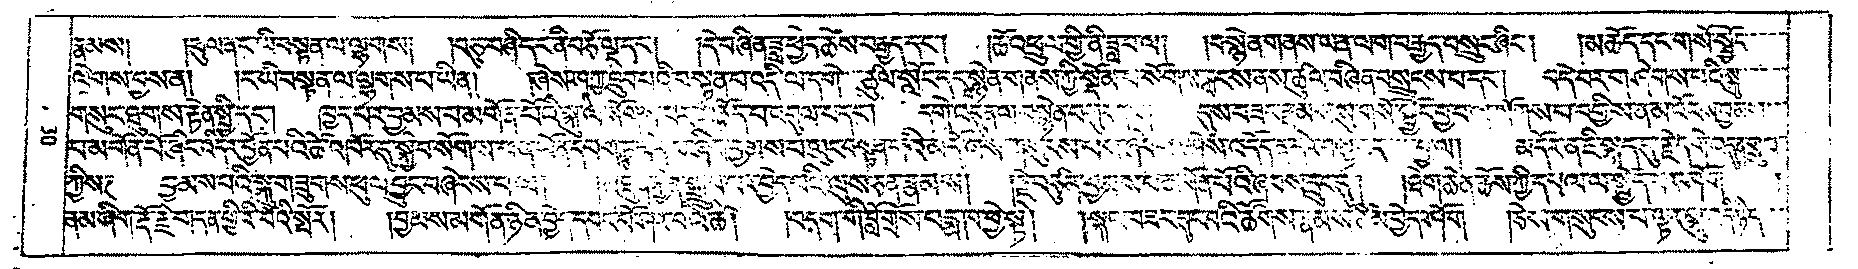རྣམས། །ཕུལ་ནང་ཡི་བསྟན་ལ་ལྷགས། །བཅུ་བཞི་དང་ནི་བཅོ་ལྔ་དང་། །དེ་བཞིན་ཟླ་ཕྱེད་ཚེས་བརྒྱད་དང་། །ཆོ་འཕྲུལ་གྱི་ནི་ཟླ་བ་ལ། །བསྙེན་གནས་ཡན་ལག་བརྒྱད་བསྲུང་ཞིང་། །མཆོད་དང་གསོ་སྦྱོང་
ལེགས་བྱས་ན། །ང་ཡི་བསྟན་ལ་ལྷགས་པ་ཡིན། །ཞེས་ཤཱཀྱ་ཐུབ་པའི་བསྟན་པ་འདི་ལ་དགེ་ཚུལ་སློང་དང་བསྙེན་གནས་ཀྱི་སྡོམ་པ་སོགས་བླངས་ནས་ཚུལ་བཞིན་བསྲུངས་པ་དང་། བདེ་བར་གཤེགས་པའི་སྐུ་
གསུང་ཐུགས་རྟེན་སྤྱི་དང་། ཁྱད་པར་བྱམས་པ་མགོན་པོའི་སྐུ་ལ་སོགས་པར་མཆོད་པ་འབུལ་བ་དང་། དགེ་འདུན་ལ་བསྙེན་བཀུར་དང་། དུས་བཟང་རྣམས་སུ་གསོ་སྦྱོང་བྱ་བ་ལ་སོགས་པ་བགྱིས་ན་མ་འོངས་བྱམས་
པ་མགོན་པོ་ཞིང་འདིར་བྱོན་པའི་ཚེ་འཁོར་དུ་སྐྱེ་བ་སོགས་ཕན་ཡོན་དཔག་ཏུ་མེད་པ་ཞིག་བྱམས་པ་ལུང་བསྟན་པའི་མདོ་ལས་གསུངས་པས་ཞིབ་པར་ཤེས་འདོད་ན་དེར་བལྟ་བར་བྱ་ལ། མདོར་ན་ཇི་སྐད་དུ་རྗེ་དགེ་འདུན་གྲུབ་
ཀྱིས། བྱམས་པའི་སྐུ་གཟུགས་ཕུལ་བྱུང་བཞེངས་པ་ལ། །མཐུན་རྐྱེན་སྒྲུབ་པར་བྱེད་པའི་ལུས་ཅན་རྣམས། །རྗེ་བཙུན་བྱམས་པ་མགོན་པོའི་ཞབས་དྲུང་དུ། །ཐེག་ཆེན་ཆོས་ཀྱི་དཔལ་ལ་སྤྱོད་པར་ཤོག །
ནམ་ཞིག་རྡོ་རྗེ་གདན་གྱི་རི་བོའི་སྤོར། །བྱམས་མགོན་ཉིན་བྱེད་དབང་པོ་ཤར་བའི་ཚེ། །བདག་གི་བློ་གྲོས་པདམ་ཁ་ཕྱེ་སྟེ། །སྐལ་བཟང་བུང་བའི་ཚོགས་རྣམས་ཚིམ་བྱེད་ཤོག །ཅེས་གསུངས་པ་ལྟར་སྐུ་འདི་ཉིད་